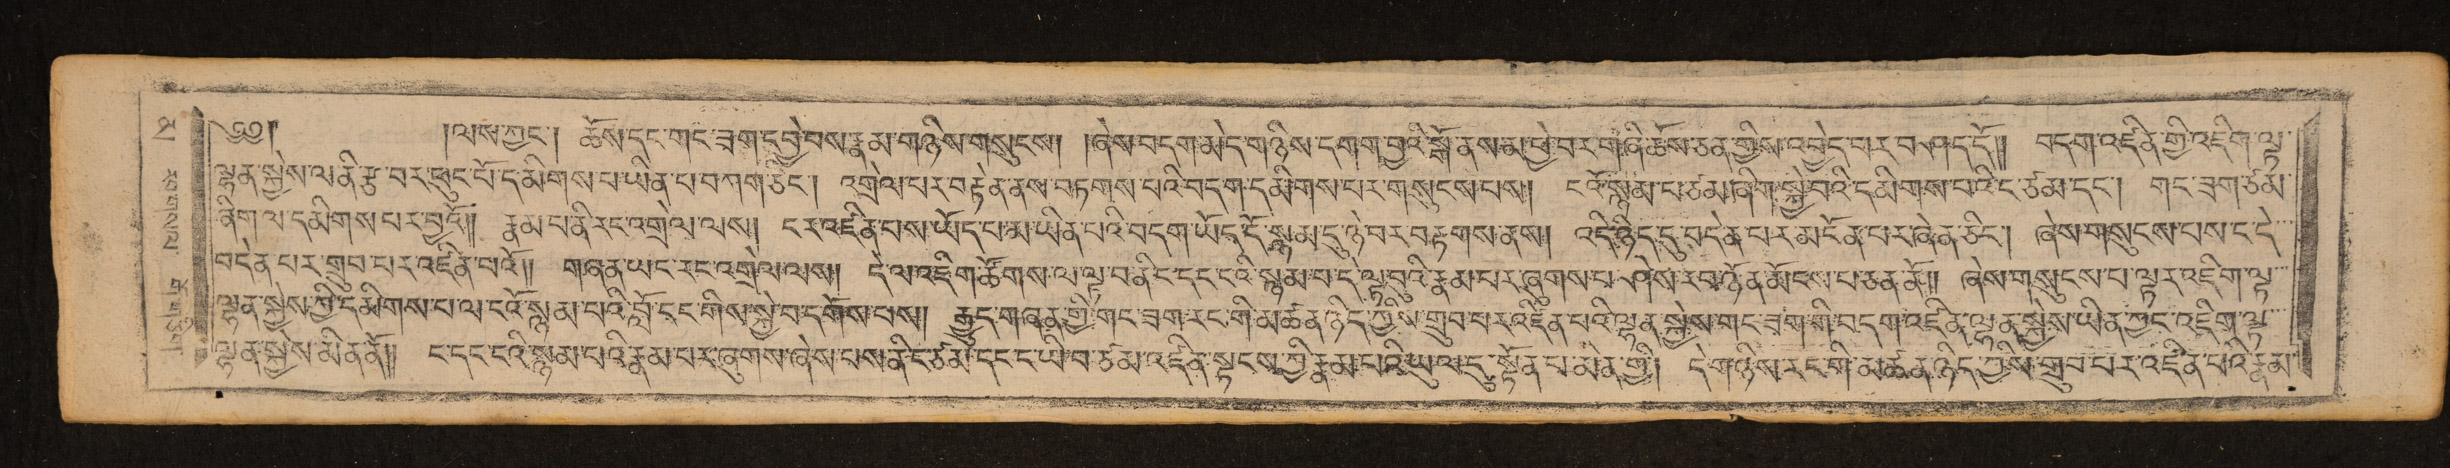༄༅། །ལས་ཀྱང་། ཆོས་དང་གང་ཟག་དབྱེ་བས་རྣམ་གཉིས་གསུངས། ཞེས་བདག་མེད་གཉིས་དགག་བྱའི་སྒོ་ནས་མ་ཕྱེ་བར་གཞི་ཆོས་ཅན་གྱིས་འབྱེད་པར་བཤད་དོ།། བདག་འཛིན་གྱི་འཇིག་ལྟ་
ལྷན་སྐྱེས་ལ་ནི་རྩ་བར་ཕུང་པོ་དམིགས་པ་ཡིན་པ་བཀག་ཅིང་། འགྲེལ་པར་བརྟེན་ནས་བཏགས་པའི་བདག་དམིགས་པར་གསུངས་པས། ངའོ་སྙམ་པ་ཙམ་ཞིག་སྐྱེ་བའི་དམིགས་པའི་ང་ཙམ་དང་། གང་ཟག་ཙམ་
ཞིག་ལ་དམིགས་པར་བྱའོ།། རྣམ་པ་ནི་རང་འགྲེལ་ལས། ངར་འཛིན་པས་ཡོད་པ་མ་ཡིན་པའི་བདག་ཡོད་དོ་སྙམ་དུ་ཉེ་བར་བརྟགས་ནས། འདི་ཉིད་དུ་བདེན་པར་མངོན་པར་ཞེན་ཅིང་། ཞེས་གསུངས་པས་ང་དེ་
བདེན་པར་གྲུབ་པར་འཛིན་པའོ།། གཞན་ཡང་རང་འགྲེལ་ལས། དེ་ལ་འཇིག་ཚོགས་ལ་ལྟ་བ་ནི་ང་དང་ངའི་སྙམ་པ་དེ་ལྟ་བུའི་རྣམ་པར་ཞུགས་པ་ཤེས་རབ་ཉོན་མོངས་པ་ཅན་ནོ།། ཞེས་གསུངས་པ་ལྟར་འཇིག་ལྟ་
ལྷན་སྐྱེས་ཀྱི་དམིགས་པ་ལ་ངའོ་སྙམ་པའི་བློ་ངང་གིས་སྐྱེ་བ་དགོས་པས། རྒྱུད་གཞན་གྱི་གང་ཟག་རང་གི་མཚན་ཉིད་ཀྱིས་གྲུབ་པར་འཛིན་པའི་ལྷན་སྐྱེས་གང་ཟག་གི་བདག་འཛིན་ལྷན་སྐྱེས་ཡིན་ཀྱང་འཇིག་ལྟ་
ལྷན་སྐྱེས་མིན་ནོ།། ང་དང་ངའི་སྙམ་པའི་རྣམ་པར་ཞུགས་ཞེས་པས་ནི་ང་ཙམ་དང་ང་ཡི་བ་ཙམ་འཛིན་སྟངས་ཀྱི་རྣམ་པའི་ཡུལ་དུ་སྟོན་པ་མིན་གྱི། དེ་གཉིས་རང་གི་མཚན་ཉིད་ཀྱིས་གྲུབ་པར་འཛིན་པའི་རྣམ་